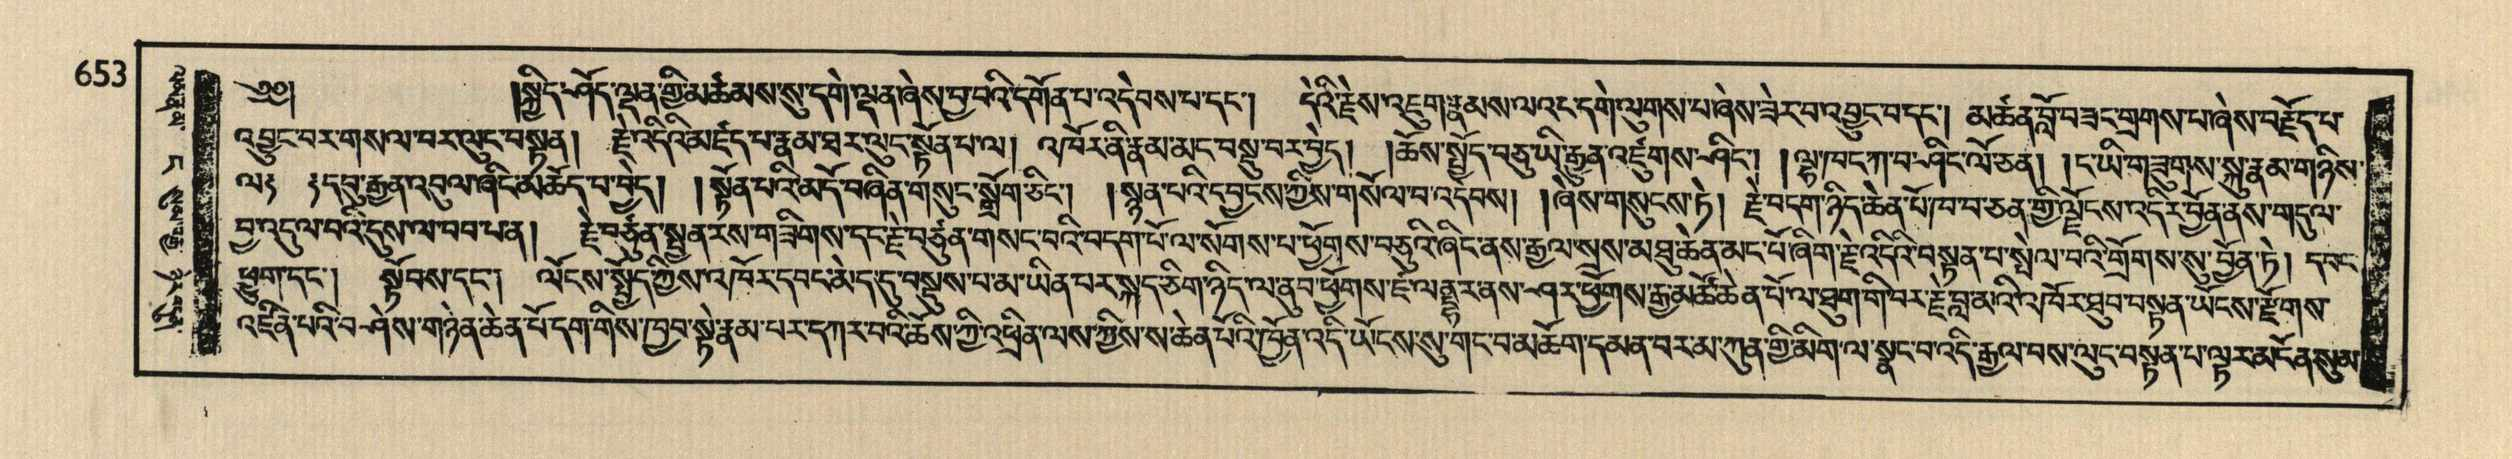༄༅། །སྐྱིད་ཤོད་ལྡན་གྱི་མཚམས་སུ་དགེ་ལྡན་ཞེས་བྱ་བའི་དགོན་པ་འདེབས་པ་དང་། དེའི་རྗེས་འཇུག་རྣམས་ལའང་དགེ་ལུགས་པ་ཞེས་ཟེར་བ་འབྱུང་བ་དང་། མཚན་བློ་བཟང་གྲགས་པ་ཞེས་བརྗོད་པ་
འབྱུང་བར་གསལ་བར་ལུང་བསྟན། རྗེ་འདིའི་མཛད་པ་རྣམ་ཐར་ལུང་སྟོན་པ་ལ། འཁོར་ནི་རྣམ་མང་བསྡུ་བར་བྱེད། །ཆོས་སྤྱོད་བཅུ་ཡི་རྒྱུན་འཛུགས་ཤིང་། །ལྷ་ཁང་ཀ་བ་ཤིང་ལོ་ཅན། །ང་ཡི་གཟུགས་སྐུ་རྣམ་གཉིས་
ལ༑ ༑དབུ་རྒྱན་འབུལ་ཞིང་མཆོད་པ་བྱེད། །སྟོན་པའི་མདོ་བཞིན་གསུང་སྒྲོག་ཅིང་། །སྙན་པའི་དབྱངས་ཀྱིས་གསོལ་བ་འདེབས། །ཞེས་གསུངས་ཏེ། རྗེ་བདག་ཉིད་ཆེན་པོ་ཁ་བ་ཅན་གྱི་ལྗོངས་འདིར་བྱོན་ནས་གདུལ་
བྱ་འདུལ་བའི་དུས་ལ་བབ་པ་ན། རྗེ་བཙུན་སྤྱན་རས་གཟིགས་དང་རྗེ་བཙུན་གསང་བའི་བདག་པོ་ལ་སོགས་པ་ཕྱོགས་བཅུའི་ཞིང་ནས་རྒྱལ་སྲས་མཐུ་ཆེན་མང་པོ་ཞིག་རྗེ་འདིའི་བསྟན་པ་སྤེལ་བའི་གྲོགས་སུ་བྱོན་ཏེ། དབང་
ཕྱུག་དང་། སྟོབས་དང་། ལོངས་སྤྱོད་ཀྱིས་འཁོར་དབང་མེད་དུ་བསྡུས་པ་མ་ཡིན་པར་སྐད་ཅིག་ཉིད་ལ་ནུབ་ཕྱོགས་ཛ་ལནྡྷ་ར་ནས་ཤར་ཕྱོགས་རྒྱ་མཚོ་ཆེན་པོ་ལ་ཐུག་གི་བར་རྗེ་བླ་མའི་འཁོར་ཐུབ་བསྟན་ཡོངས་རྫོགས་
འཛིན་པའི་བཤེས་གཉེན་ཆེན་པོ་དག་གིས་ཁྱབ་སྟེ་རྣམ་པར་དཀར་བའི་ཆོས་ཀྱི་འཕྲིན་ལས་ཀྱིས་ས་ཆེན་པོའི་ཁྱོན་འདི་ཡོངས་སུ་གང་བ་མཆོག་དམན་བར་མ་ཀུན་གྱི་མིག་ལ་སྣང་བ་འདི་རྒྱལ་བས་ལུང་བསྟན་པ་ལྟར་མངོན་སུམ་